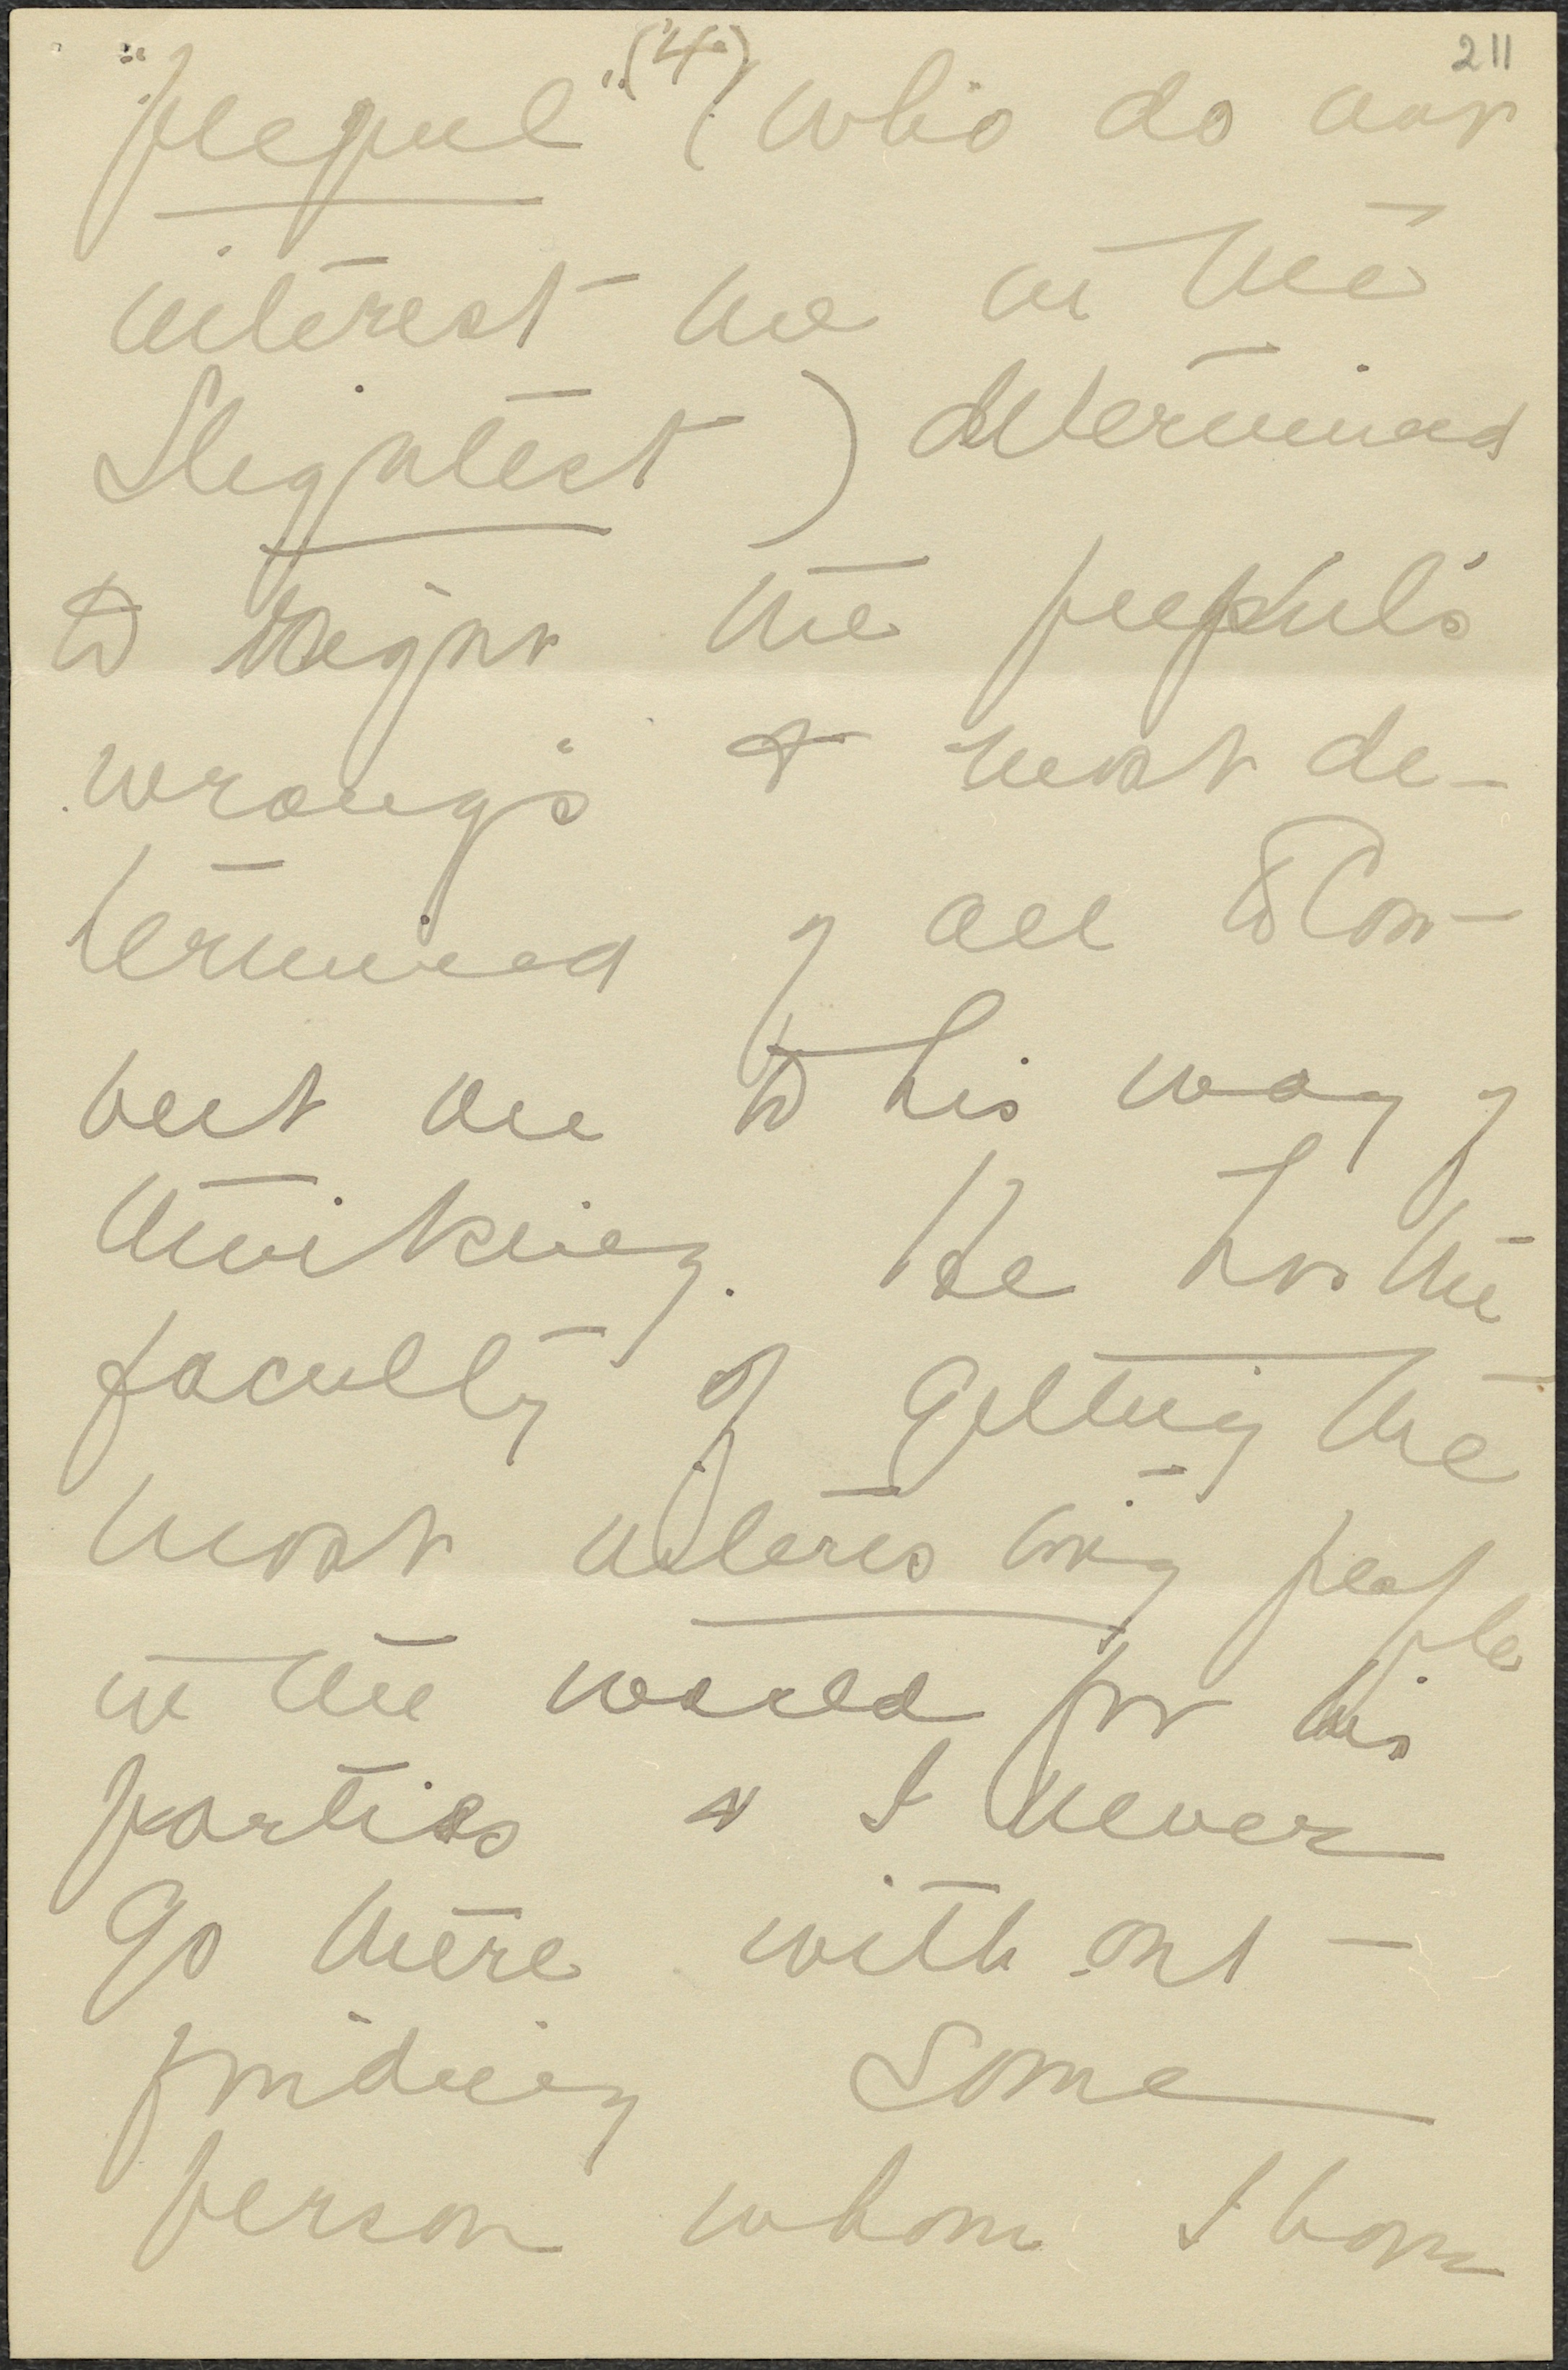(4)
“peepul” (who do not interest me in the slightest) determined to right the peepul’s wrongs & most determined of all to convert me to his way of thinking. He has the faculty of getting the most interesting people in the world for his parties & I never go there without finding some person whom I have